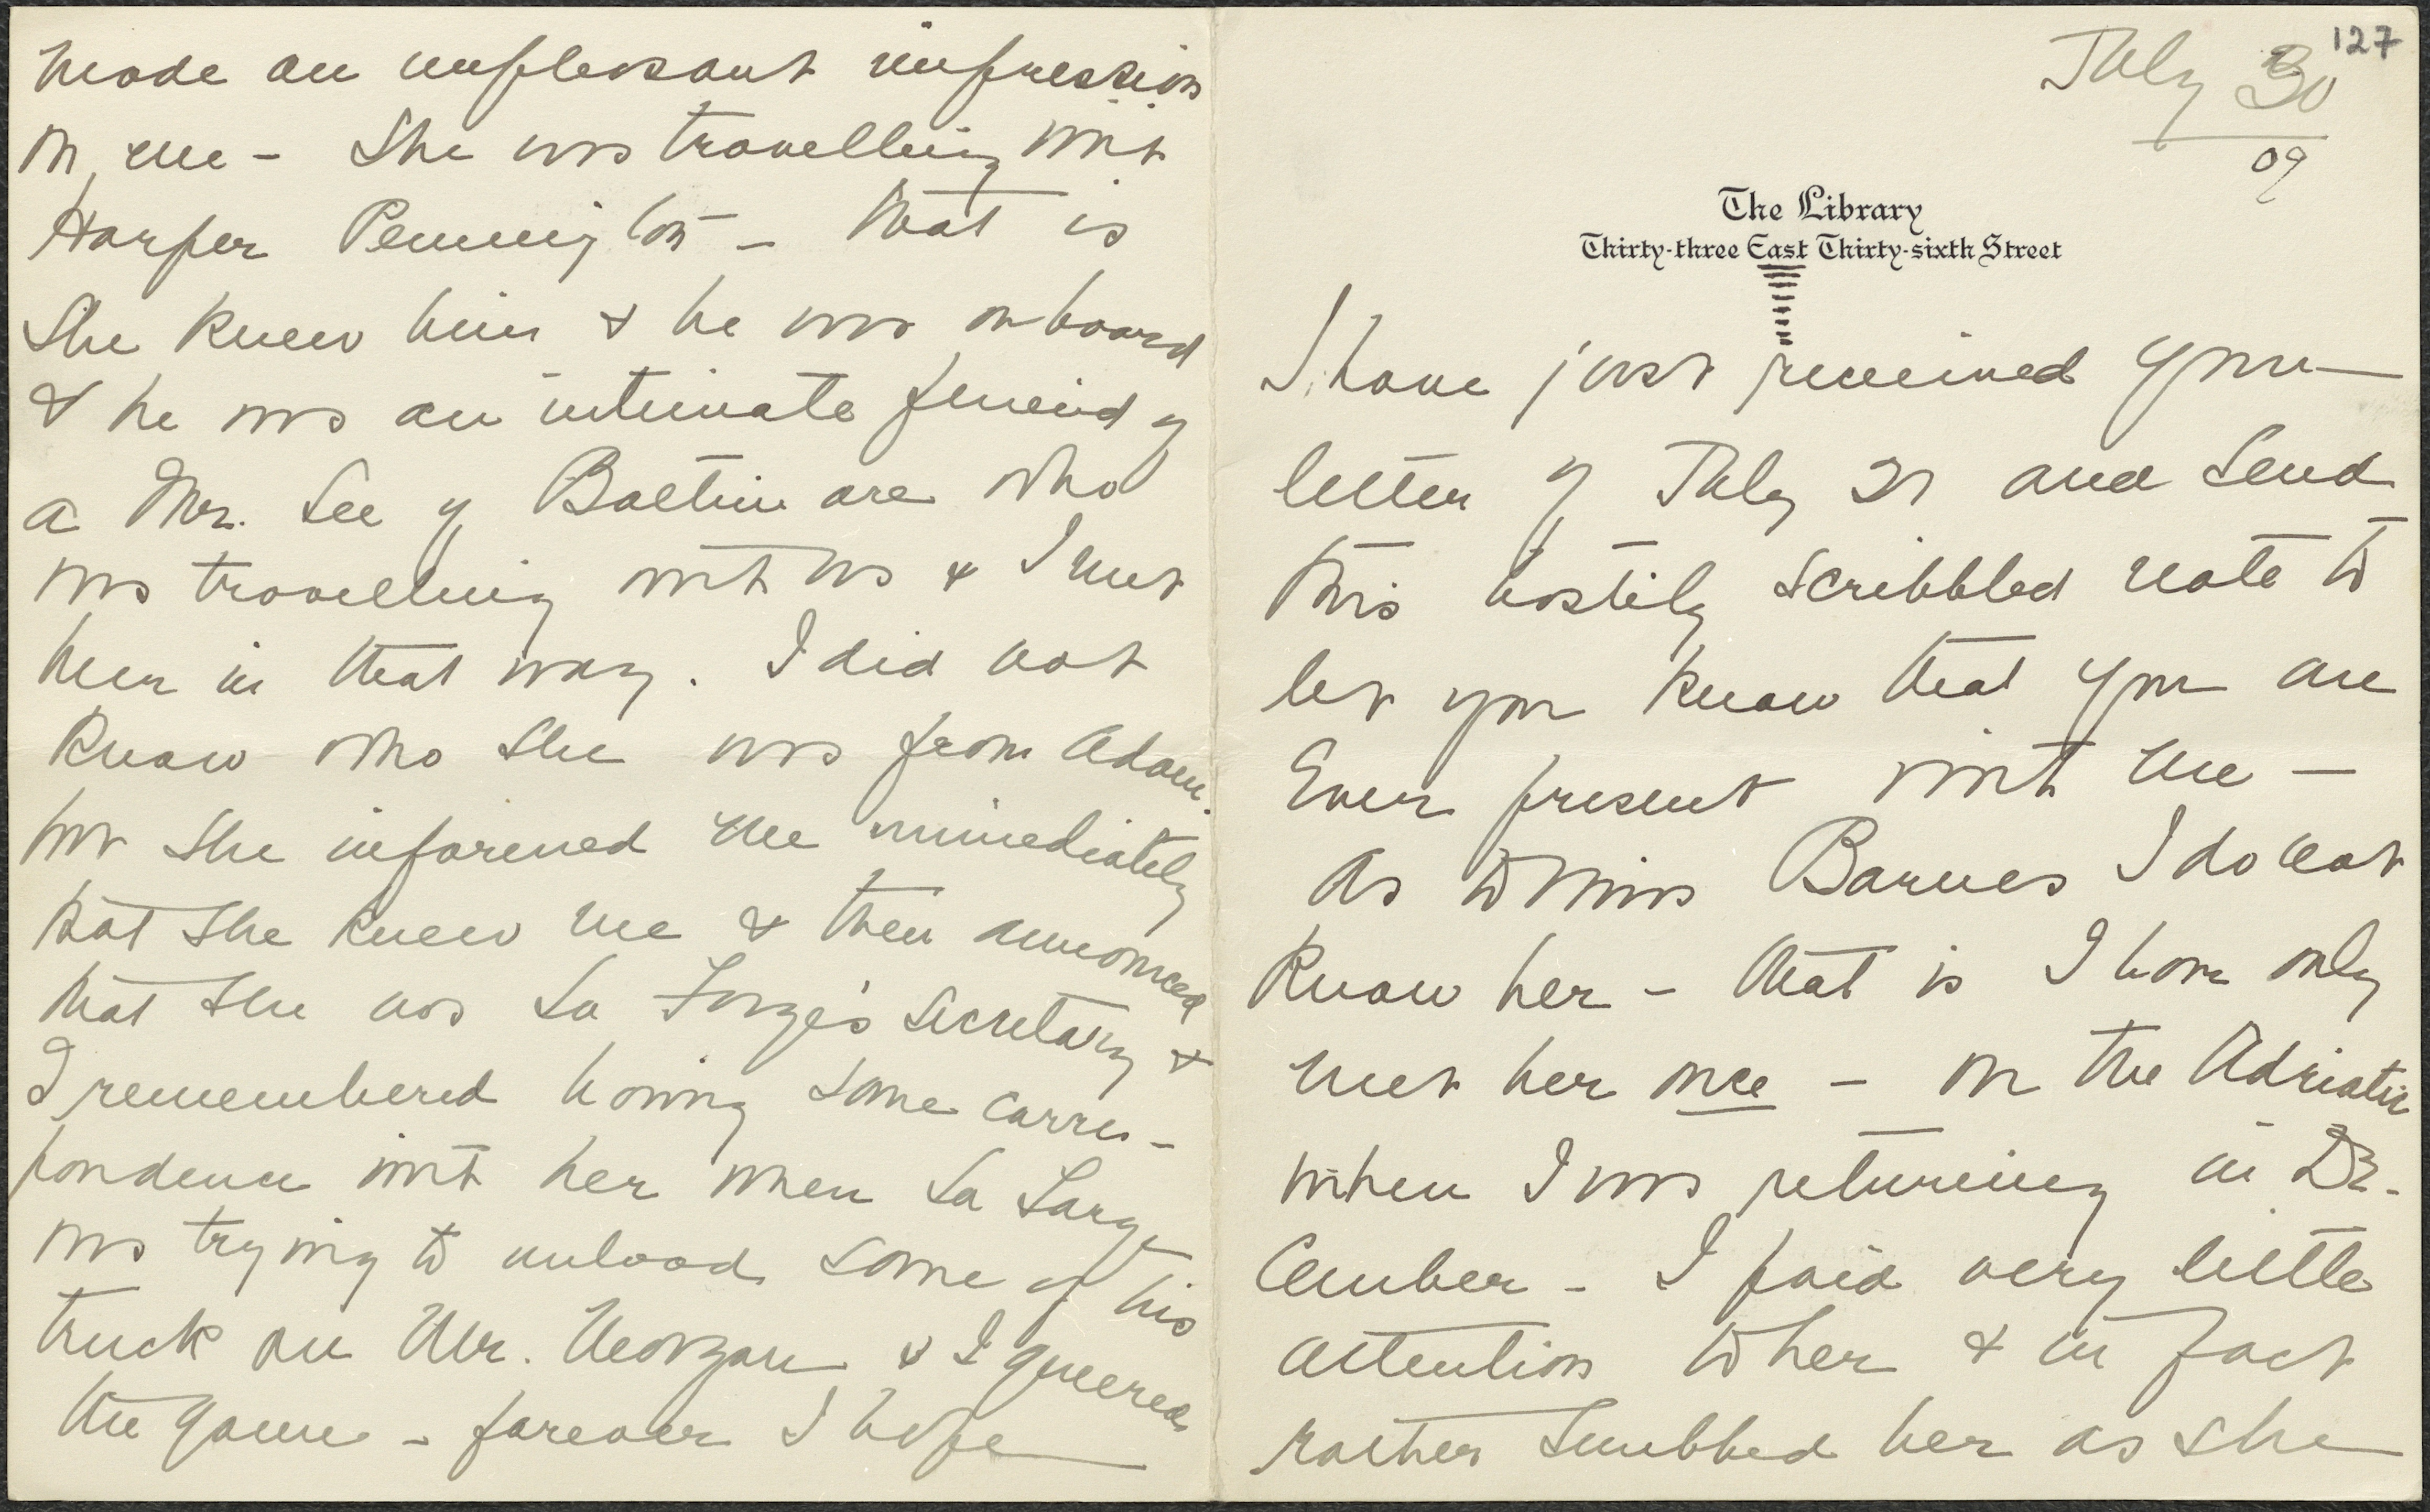July 30
I have just received your letter of July 21 and send this hastily scribbled note to let you know that you are ever present with me – As to Miss Barnes I do not know her – that is I have only met her once – on the Adriatic when I was returning in December – I paid very little attention to her & in fact rather snubbed her as she
made an unpleasant impression on me – She was travelling with Harper Pennington – that is she knew him & he was on board & he was an intimate friend of a Mr. Lee of Baltimore who was travelling with us & I met her in that way. I did not know who she was from Adam but she informed me immediately that she knew me & then announced that she was La Farge’s secretary & I remembered having some correspondence with her when La Farge was trying to unload some of his truck on Mr. Morgan & I queered the game – forever I hope